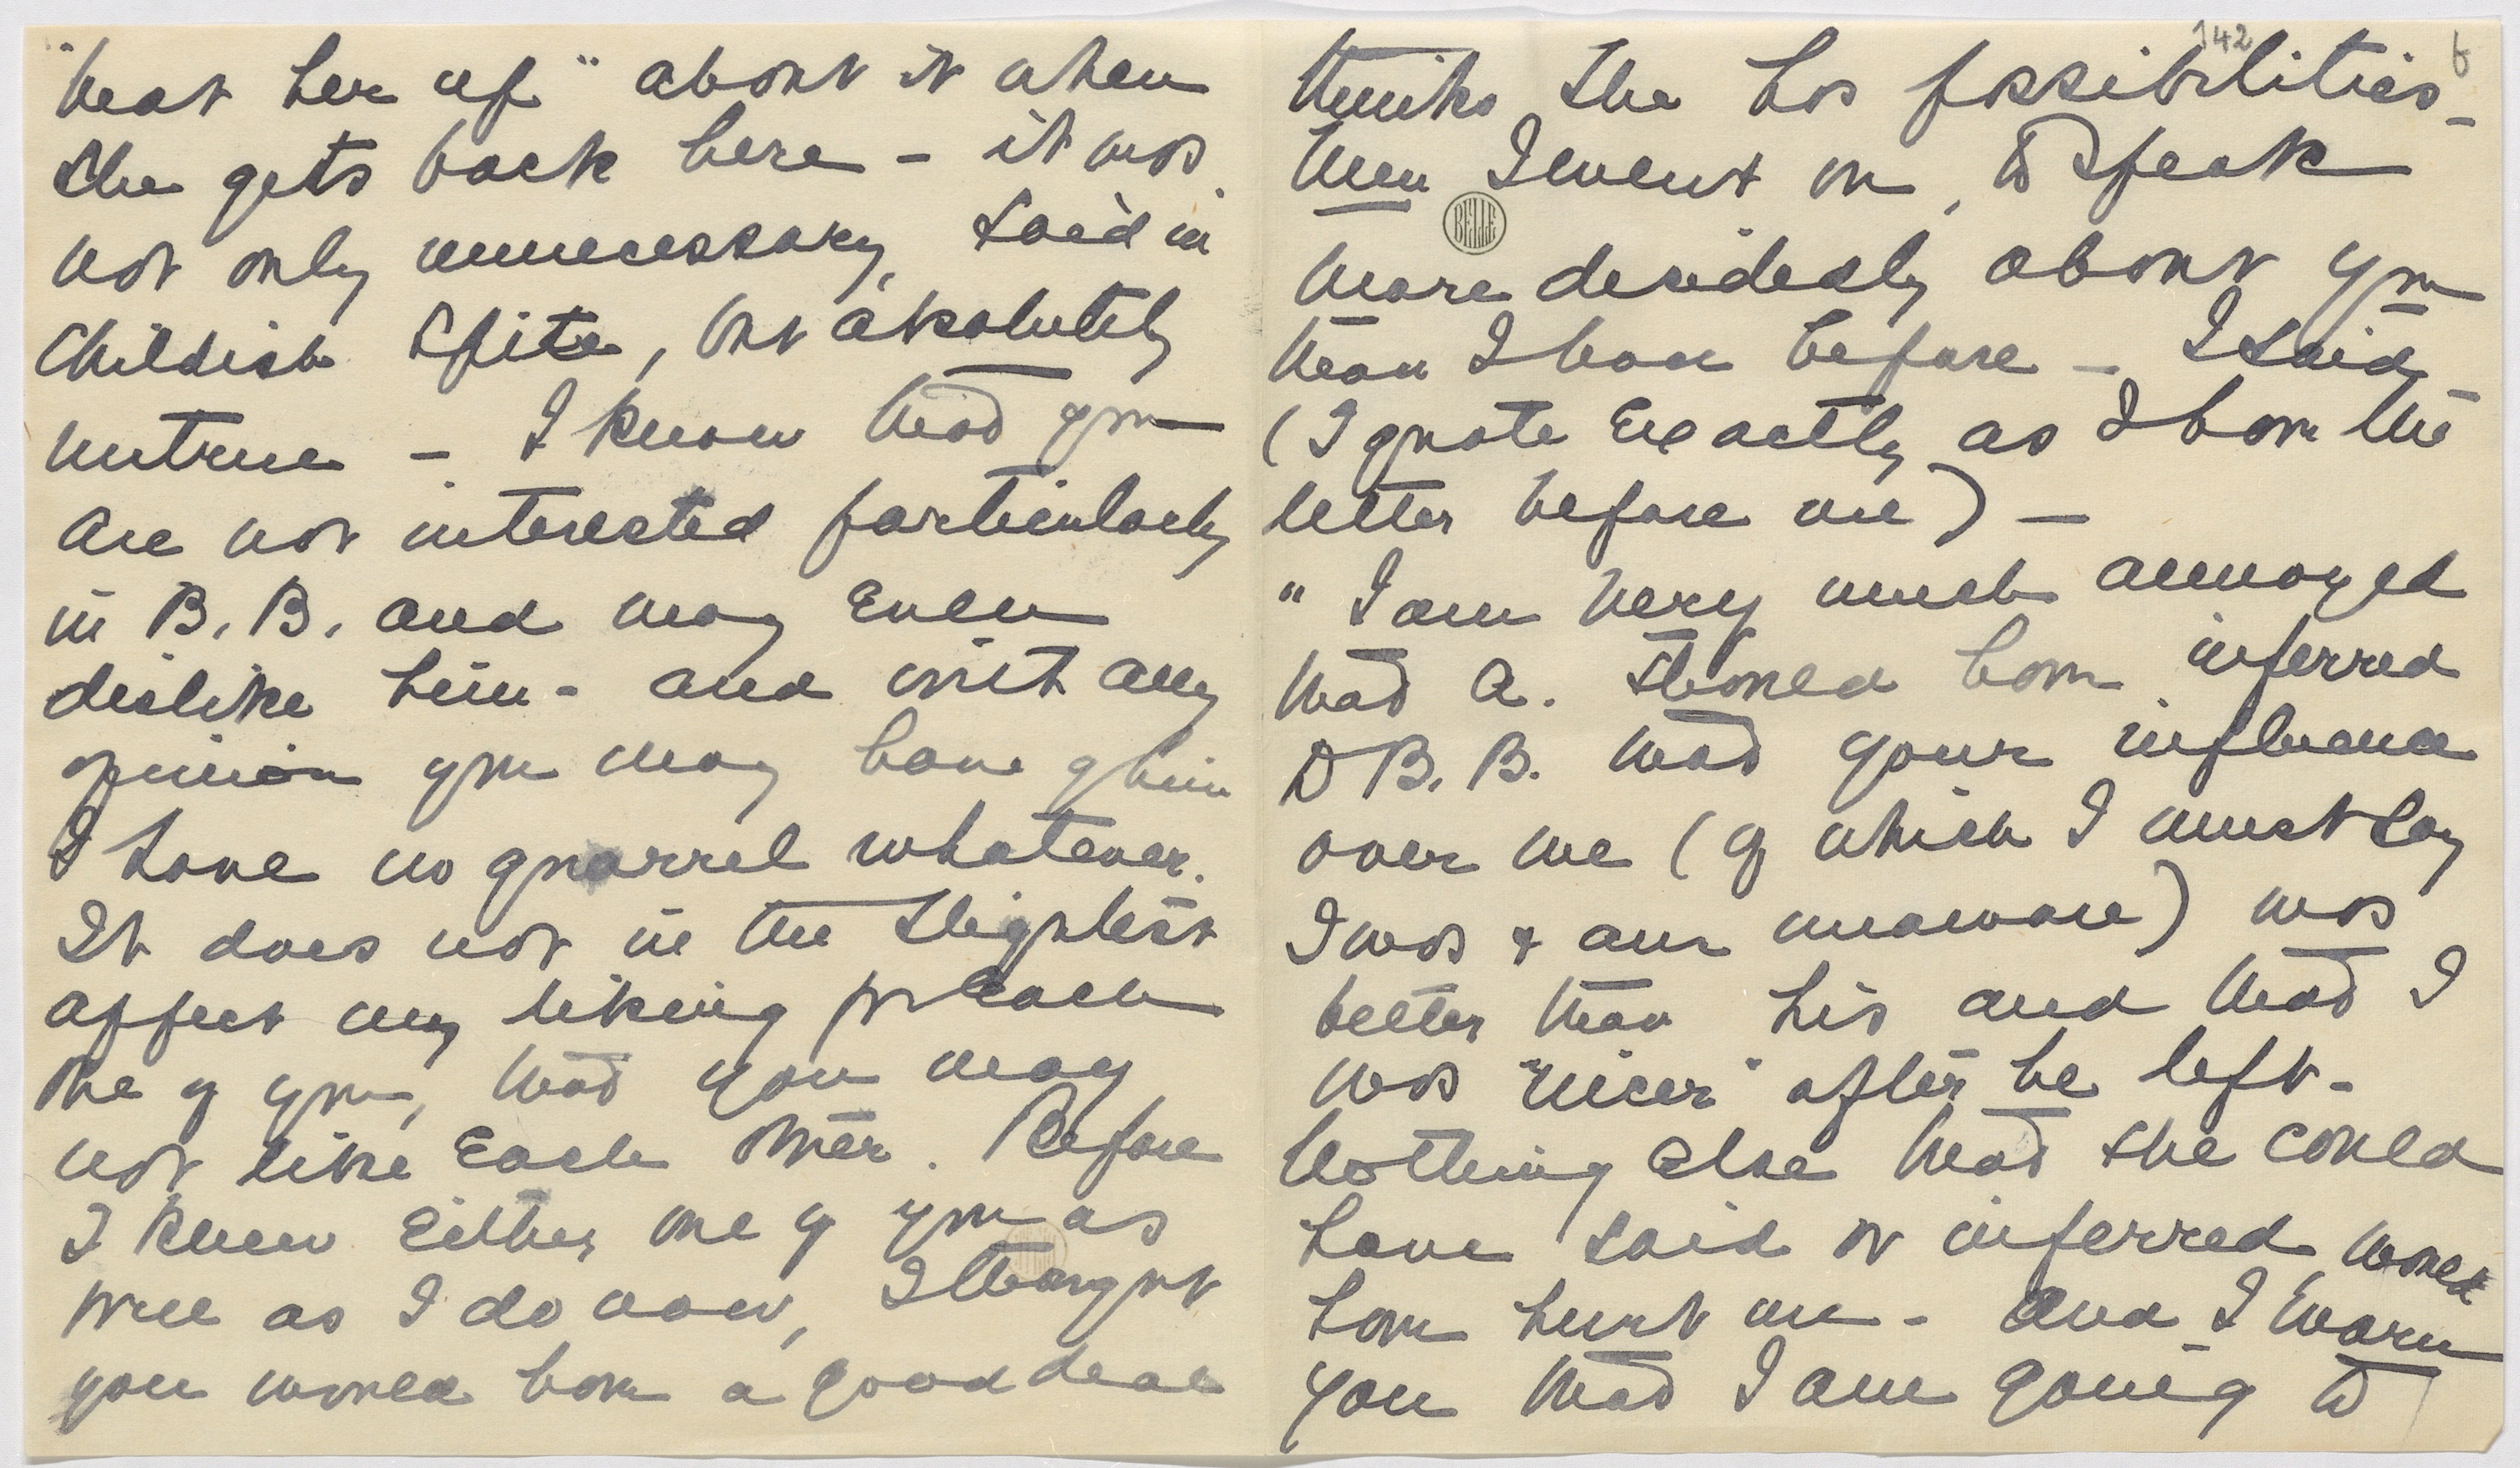thinks she has possibilities – then I went on to speak more decidedly about you than I had before – I said (I quote exactly as I have the letter before me) –
“I am very much annoyed that A. should have inferred to B.B. that your influence over me (of which I must say I was & am unaware) was better than his and that I was “nicer” after he left – nothing else that she could have said or inferred would have hurt me – and I warn you that I am going to
“beat her up” about it when she gets back here – it was not only unnecessary, said in childish spite, but absolutely untrue – I know that you are not interested particularly in B. B. and may even dislike him – and with any opinion you may have of him I have no quarrel whatever. It does not in the slightest affect my liking for each one of you, that you may not like each other. Before I knew either one of you as well as I do now, I thought you would have a good deal